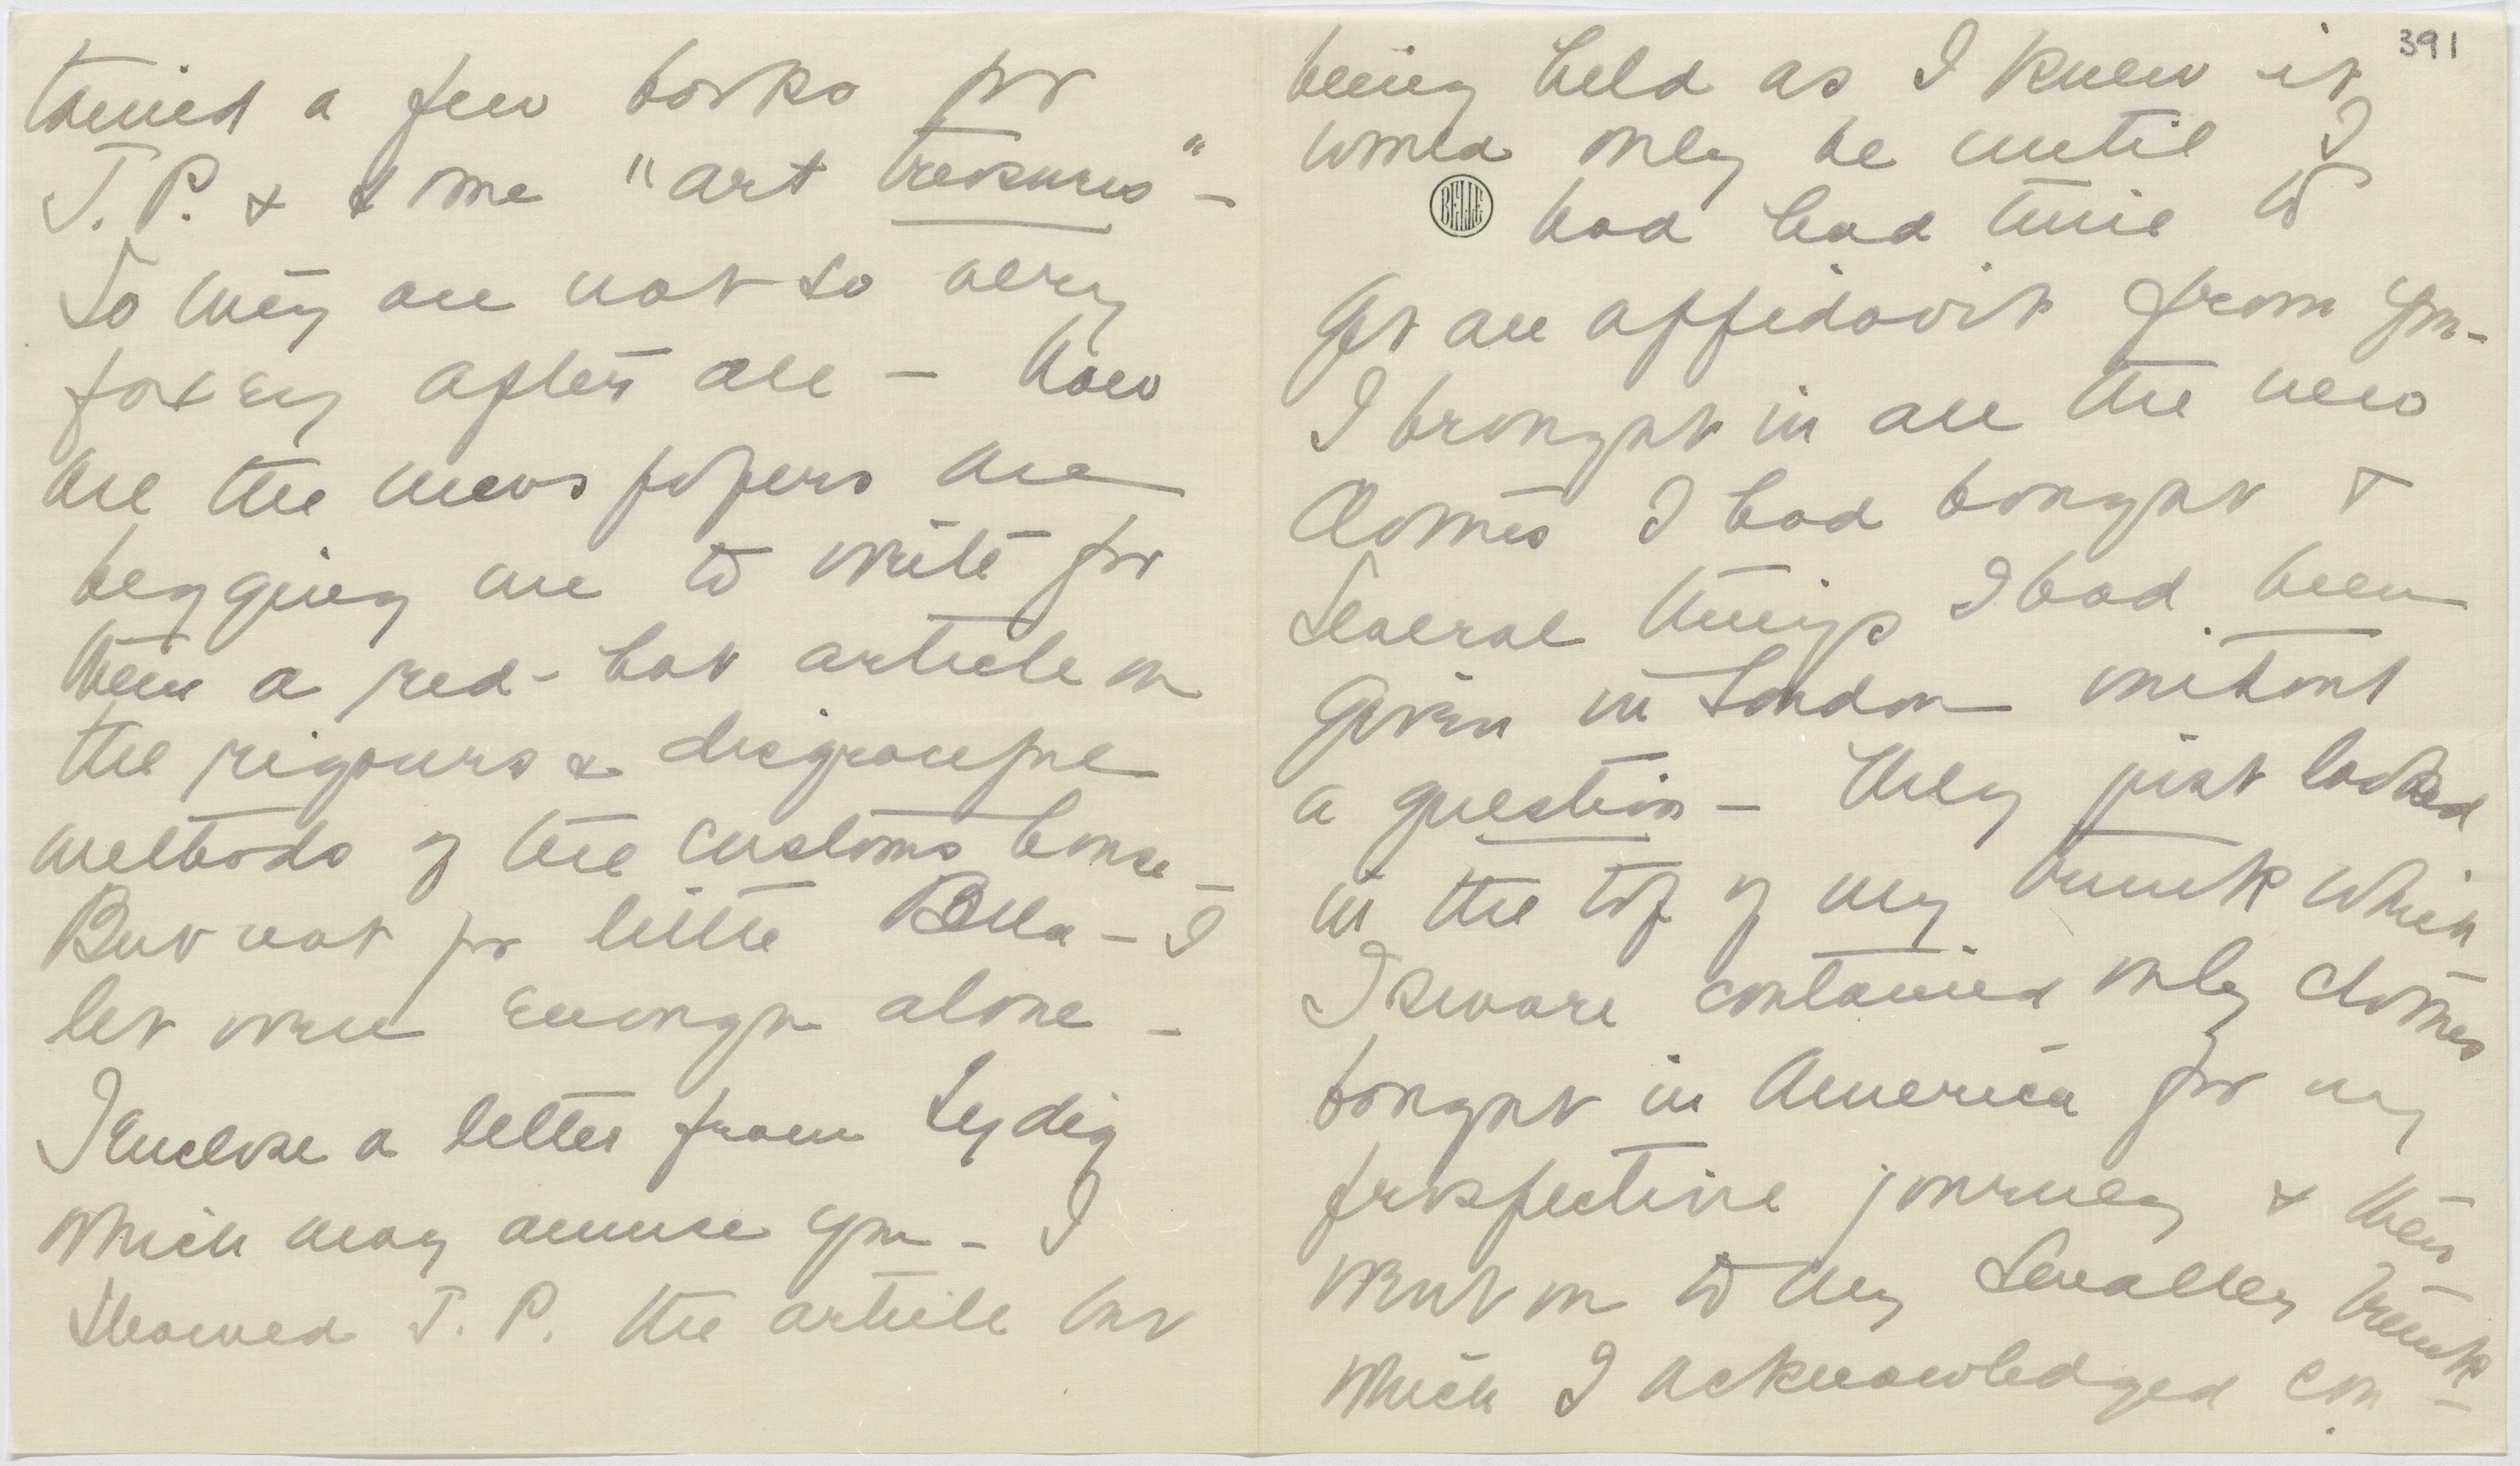being held as I knew it would only be until I had had time to get an affidavit from you – I brought in all the new clothes I had bought & several things I had been given in London without a question – They just looked in the top of my trunk which I swore contained only clothes bought in America for my prospective journey & then went on to my smaller trunk which I acknowledged contained
a few books for J. P. & some “art treasures” – So they are not so very foxey after all – Now all the news papers are begging me to write for them a red-hat article on the rigours & disgraceful methods of the customs house – But not for little Bella – I let well enough alone – I enclose a letter from Lydig which may amuse you – I showed J. P. the article but